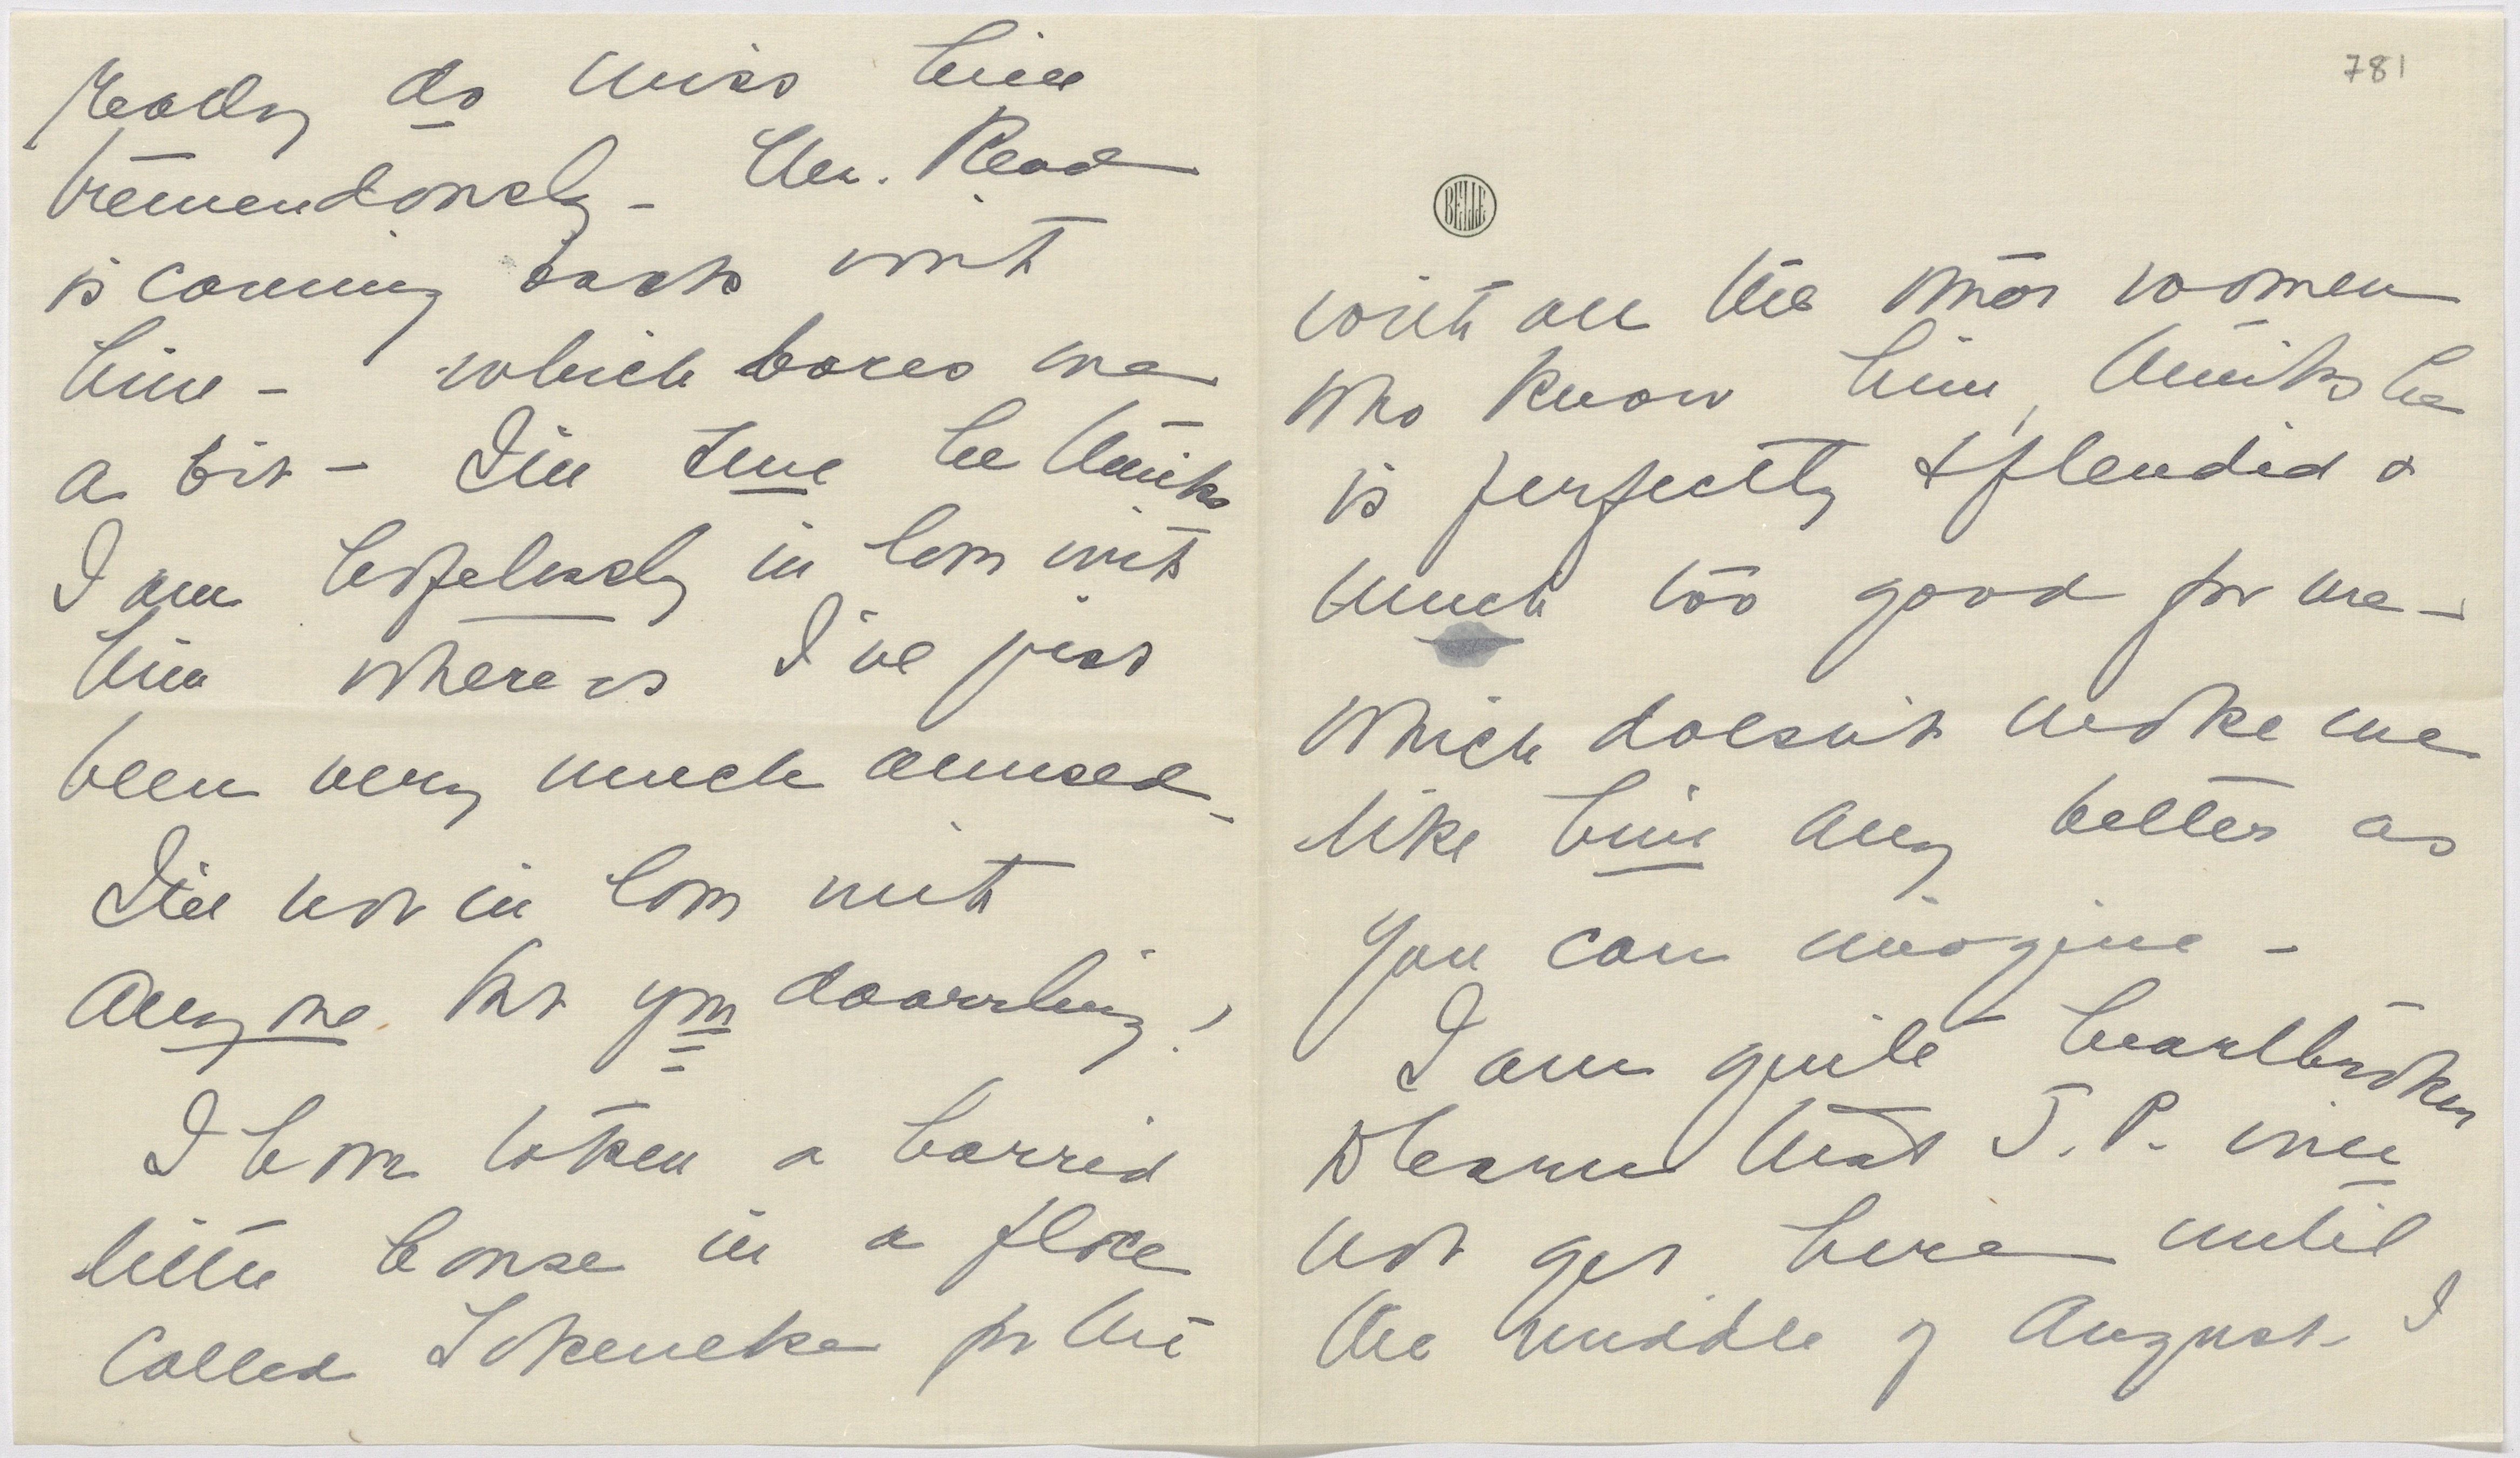with all the other women who know him, thinks he is perfectly splendid & much too good for me – which doesn’t make me like him any better as you can imagine –
I am quite heartbroken to learn that J. P. will not get here until the middle of August – I
really do miss him tremendously – Mr. Read is coming back with him – which bores me a bit – I’m sure he thinks I am hopelessly in love with him whereas I’ve just been very much amused –
I’m not in love with any one but [triple underlined: you] daarrling!
I have taken a horrid little house in a place called Tokeneke for the